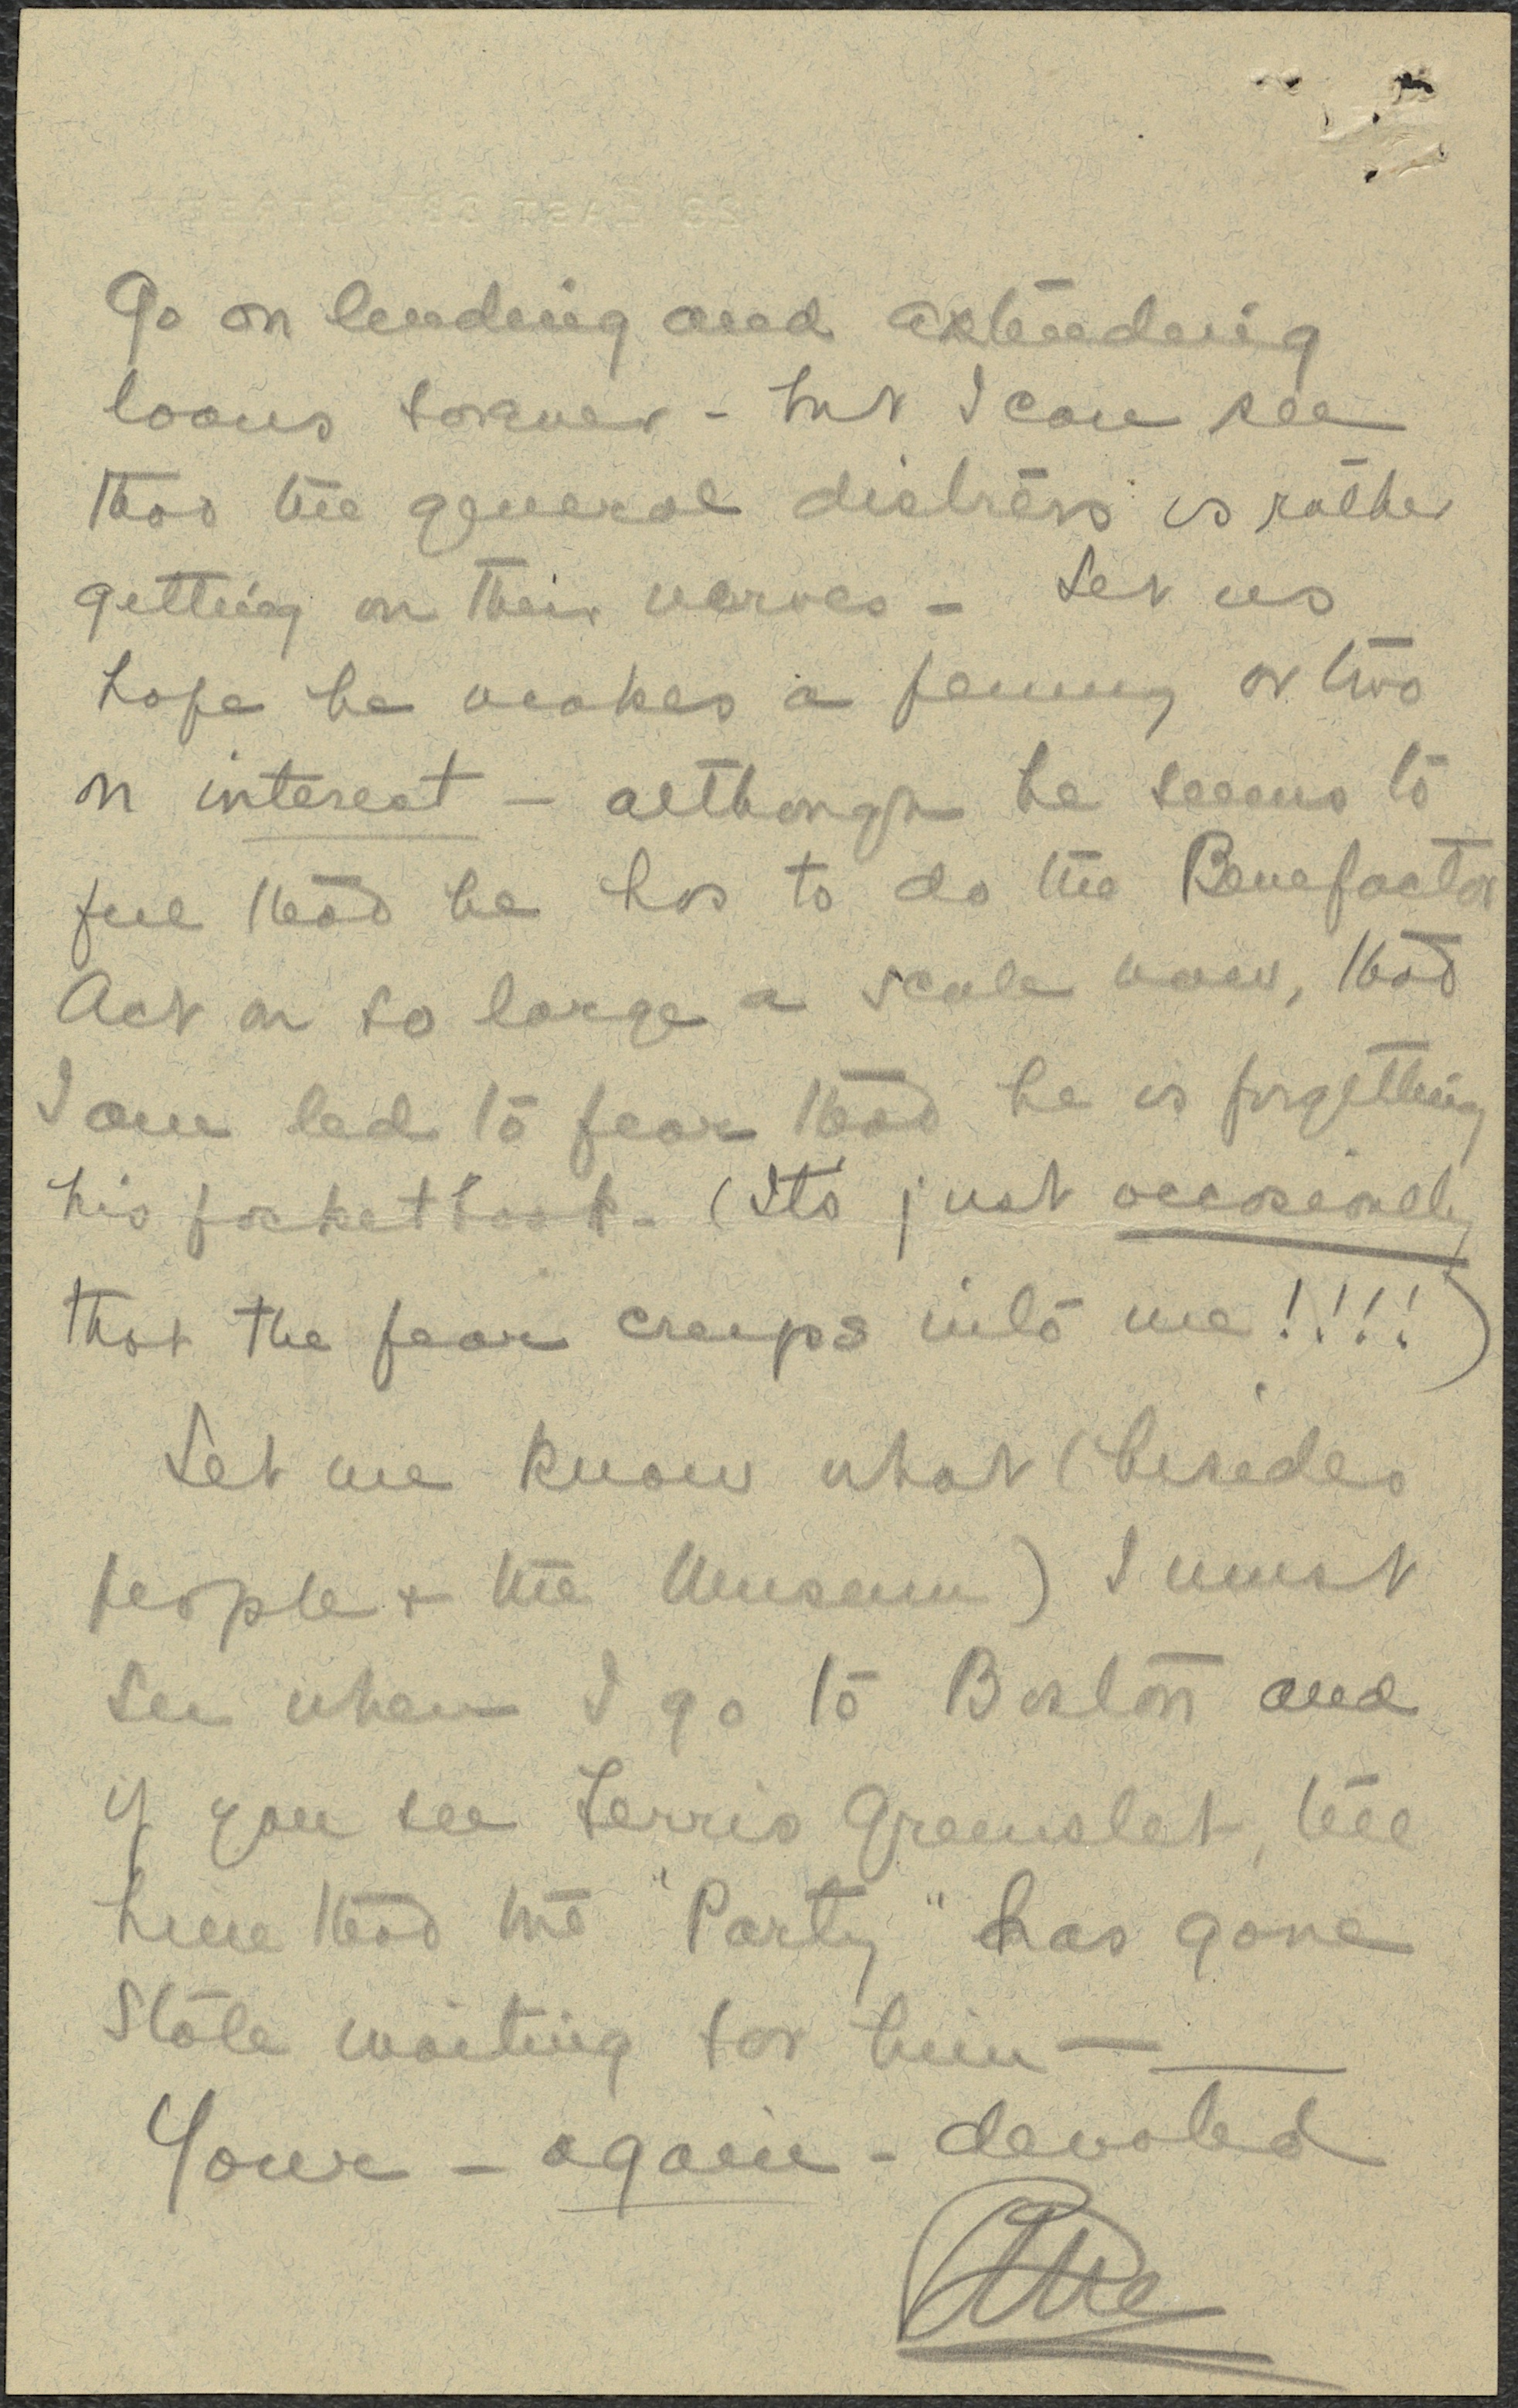go on lending and extending loans forever – but I can see that the general distress is rather getting on their nerves – Let us hope he makes a penny or two on interest – although he seems to feel that he has to do the Benefactor Act on so large a scale now, that I am led to fear that he is forgetting his pocketbook – (It's just occasionally that the fear creeps into me!!!!)
Let me know what (besides people & the Museum) I must see when I go to Boston and if you see Ferris Greenslet, tell him that the "Party" has gone stale waiting for him –
Your – again – devoted
Belle